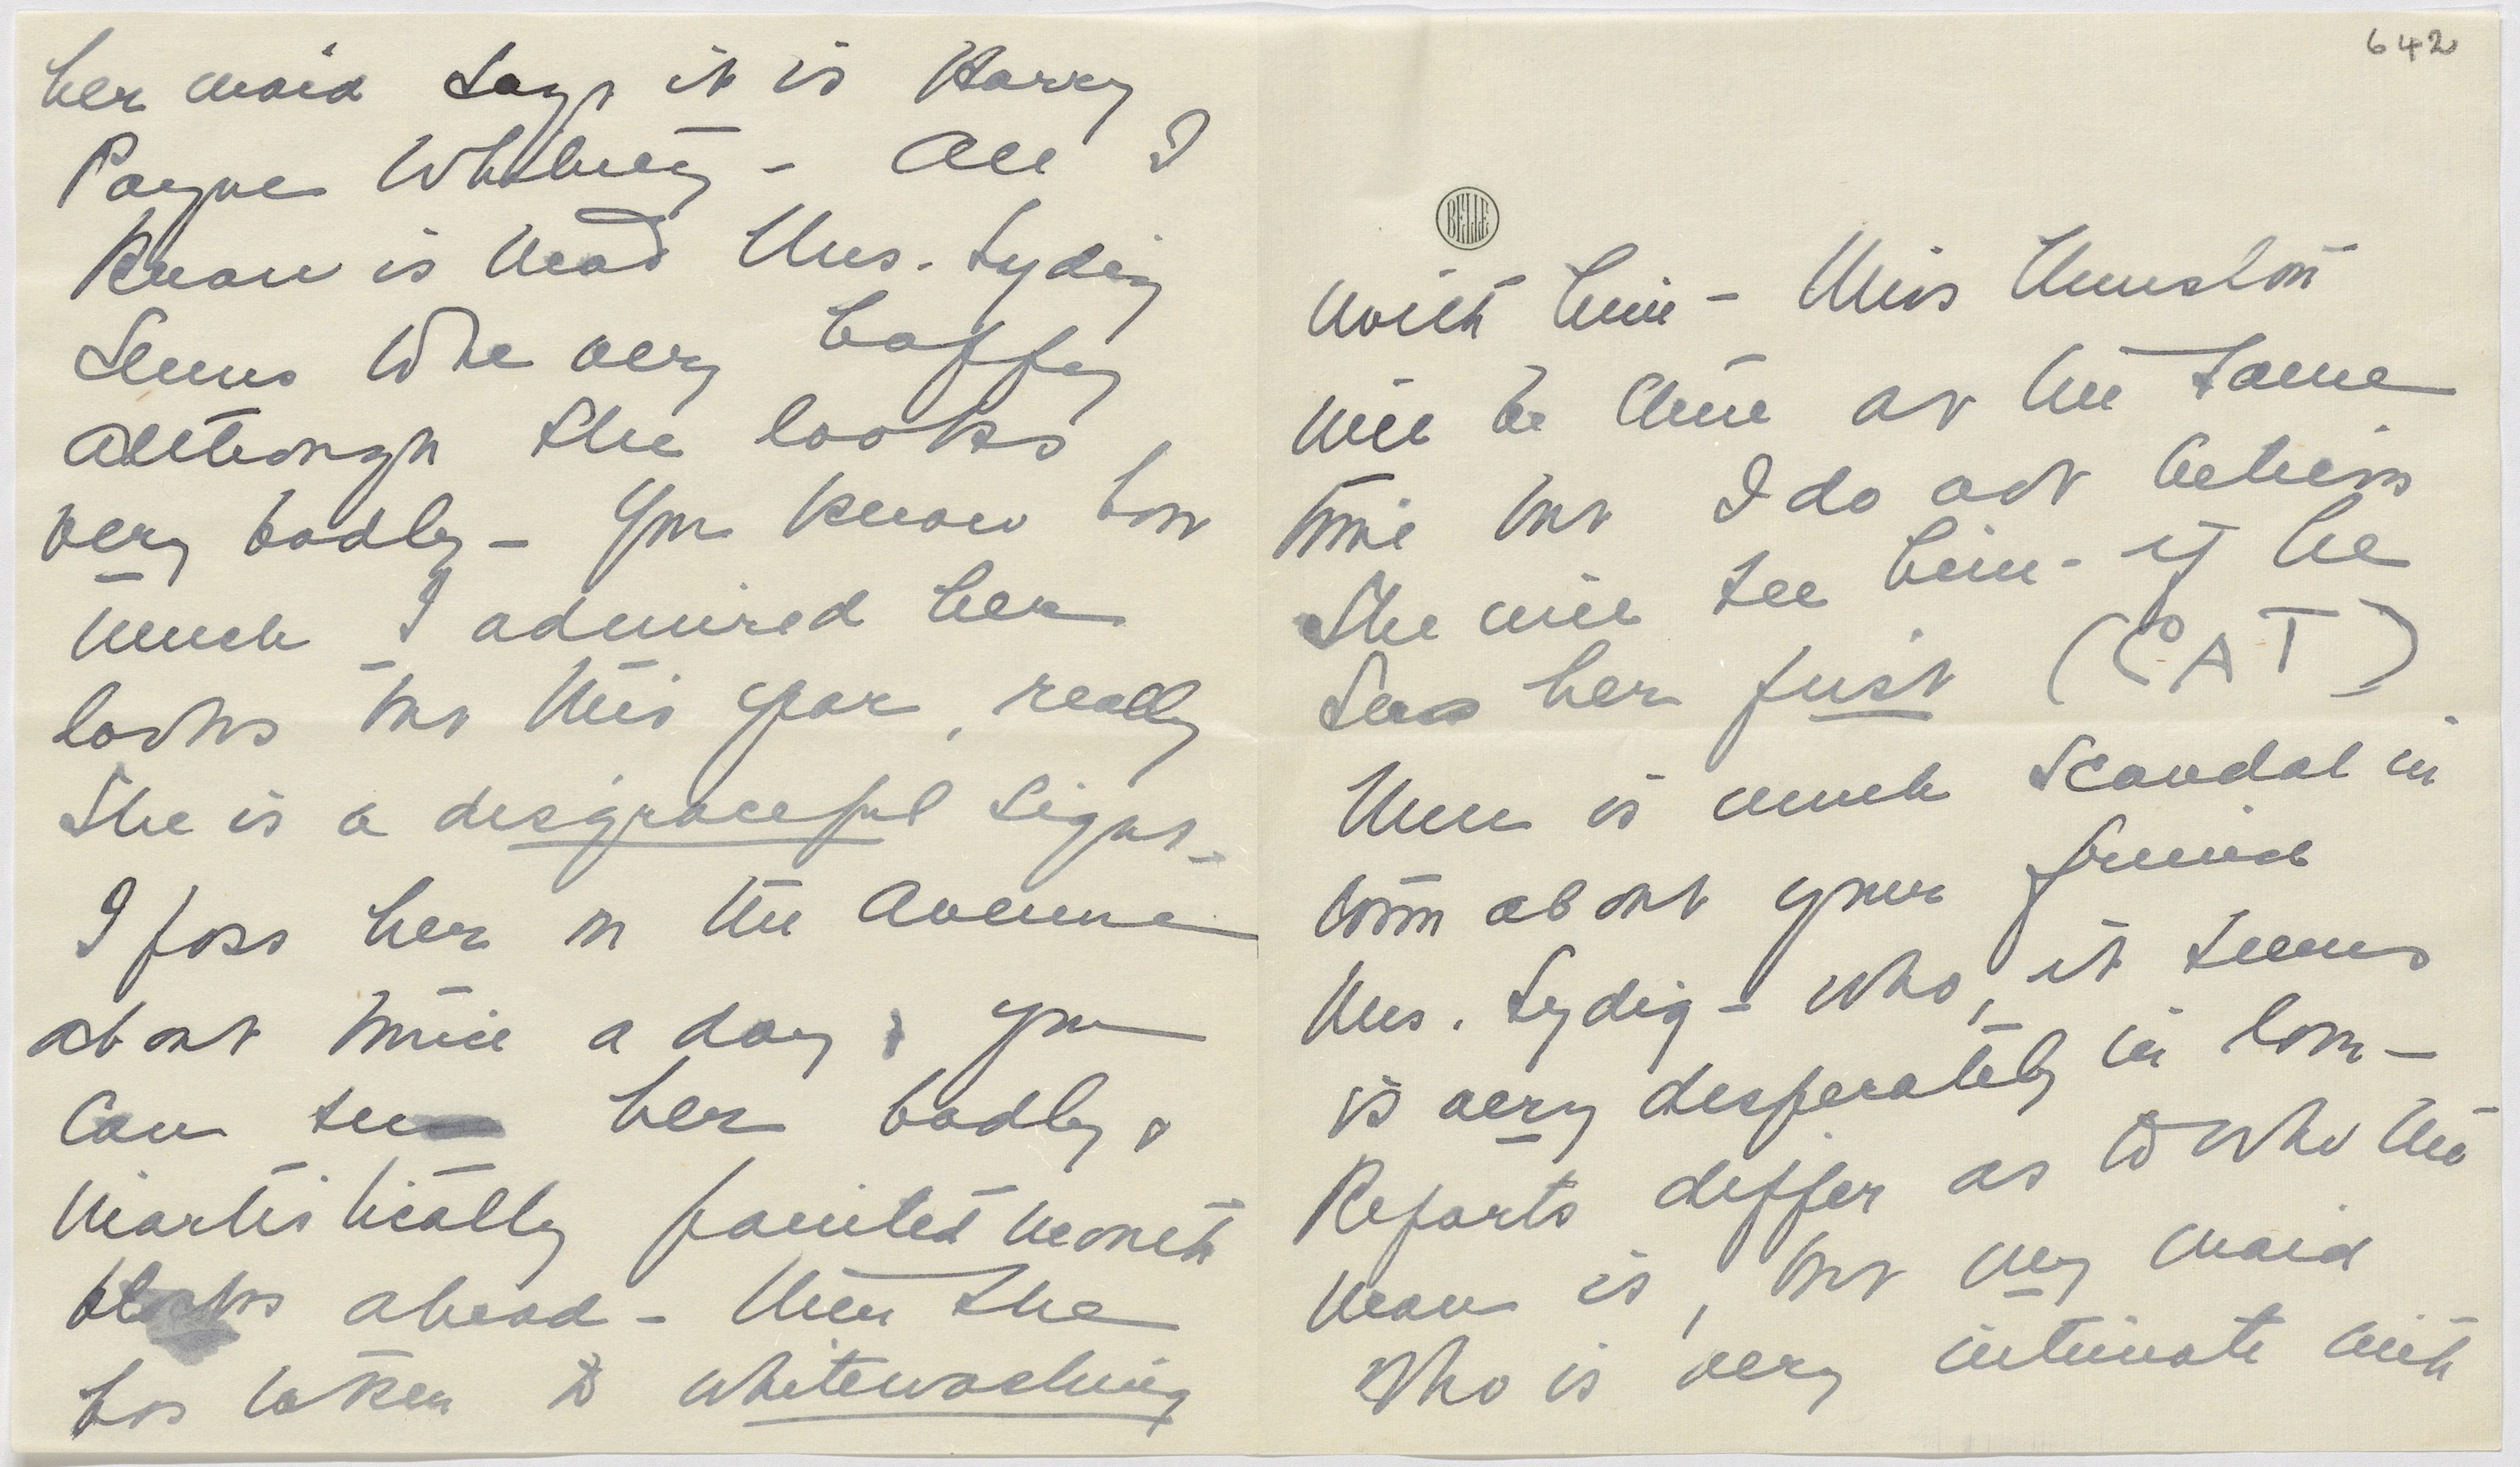with him – Miss Thurston will be there at the same time but I do not believe she will see him – if he sees her first ([in secretarial script: CAT])
There is much scandal in town about your friend Mrs. Lydig – who, it seems is very desperately in love – Reports differ as to who the man is, but my maid who is very intimate with
her maid says it is Harry Payne Whitney – All I know is that Mrs. Lydig seems to be very happy although she looks very badly – You know how much I admired her looks but this year, really she is a disgraceful sight –
I pass her on the Avenue about twice a day & you can see her badly & inartistically painted mouth blocks ahead – then she has taken to whitewashing